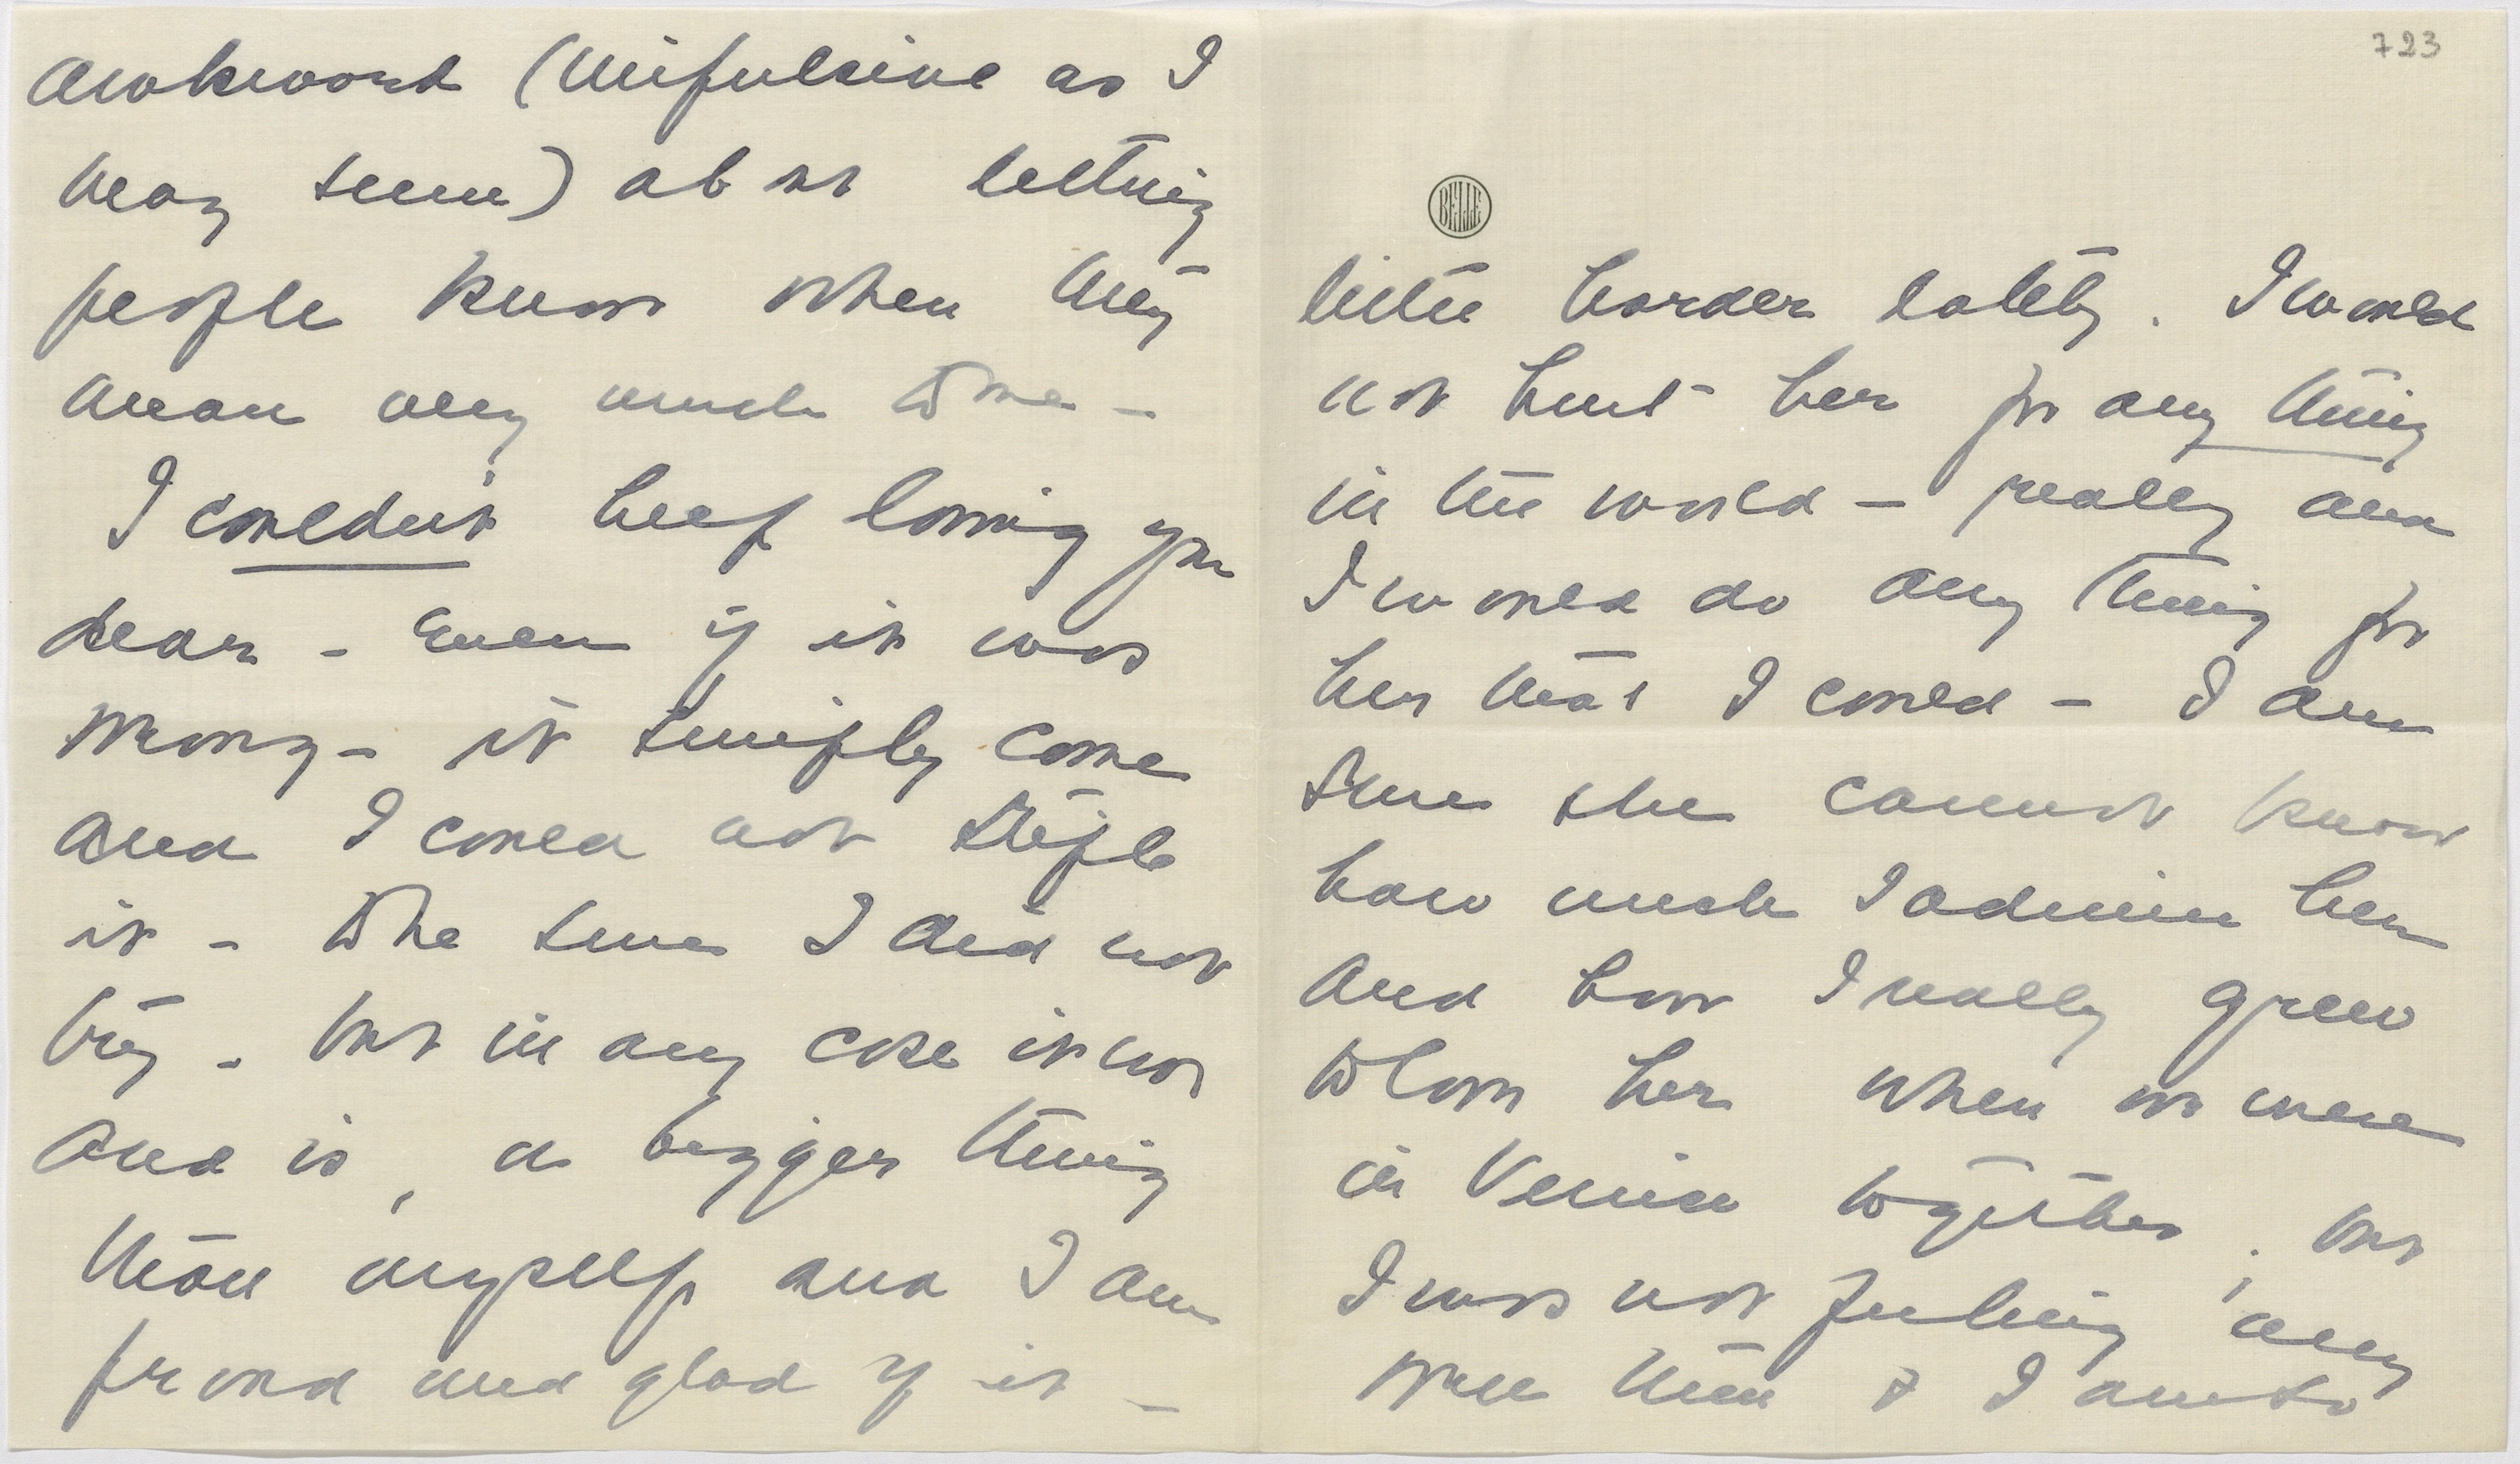little harder lately. I would not hurt her for any thing in the world – really and I would do any thing for her that I could – I am sure she cannot know how much I admire her and how I really grew to love her when we were in Venice together; but I was not feeling very well then & I am so
awkward (impulsive as I may seem) about letting people know when they mean very much to me –
I couldn’t help loving you dear – Even if it was wrong – it simply came and I could not stifle it – to be sure I did not try – but in any case it was and is, a bigger thing than myself and I am proud and glad of it –